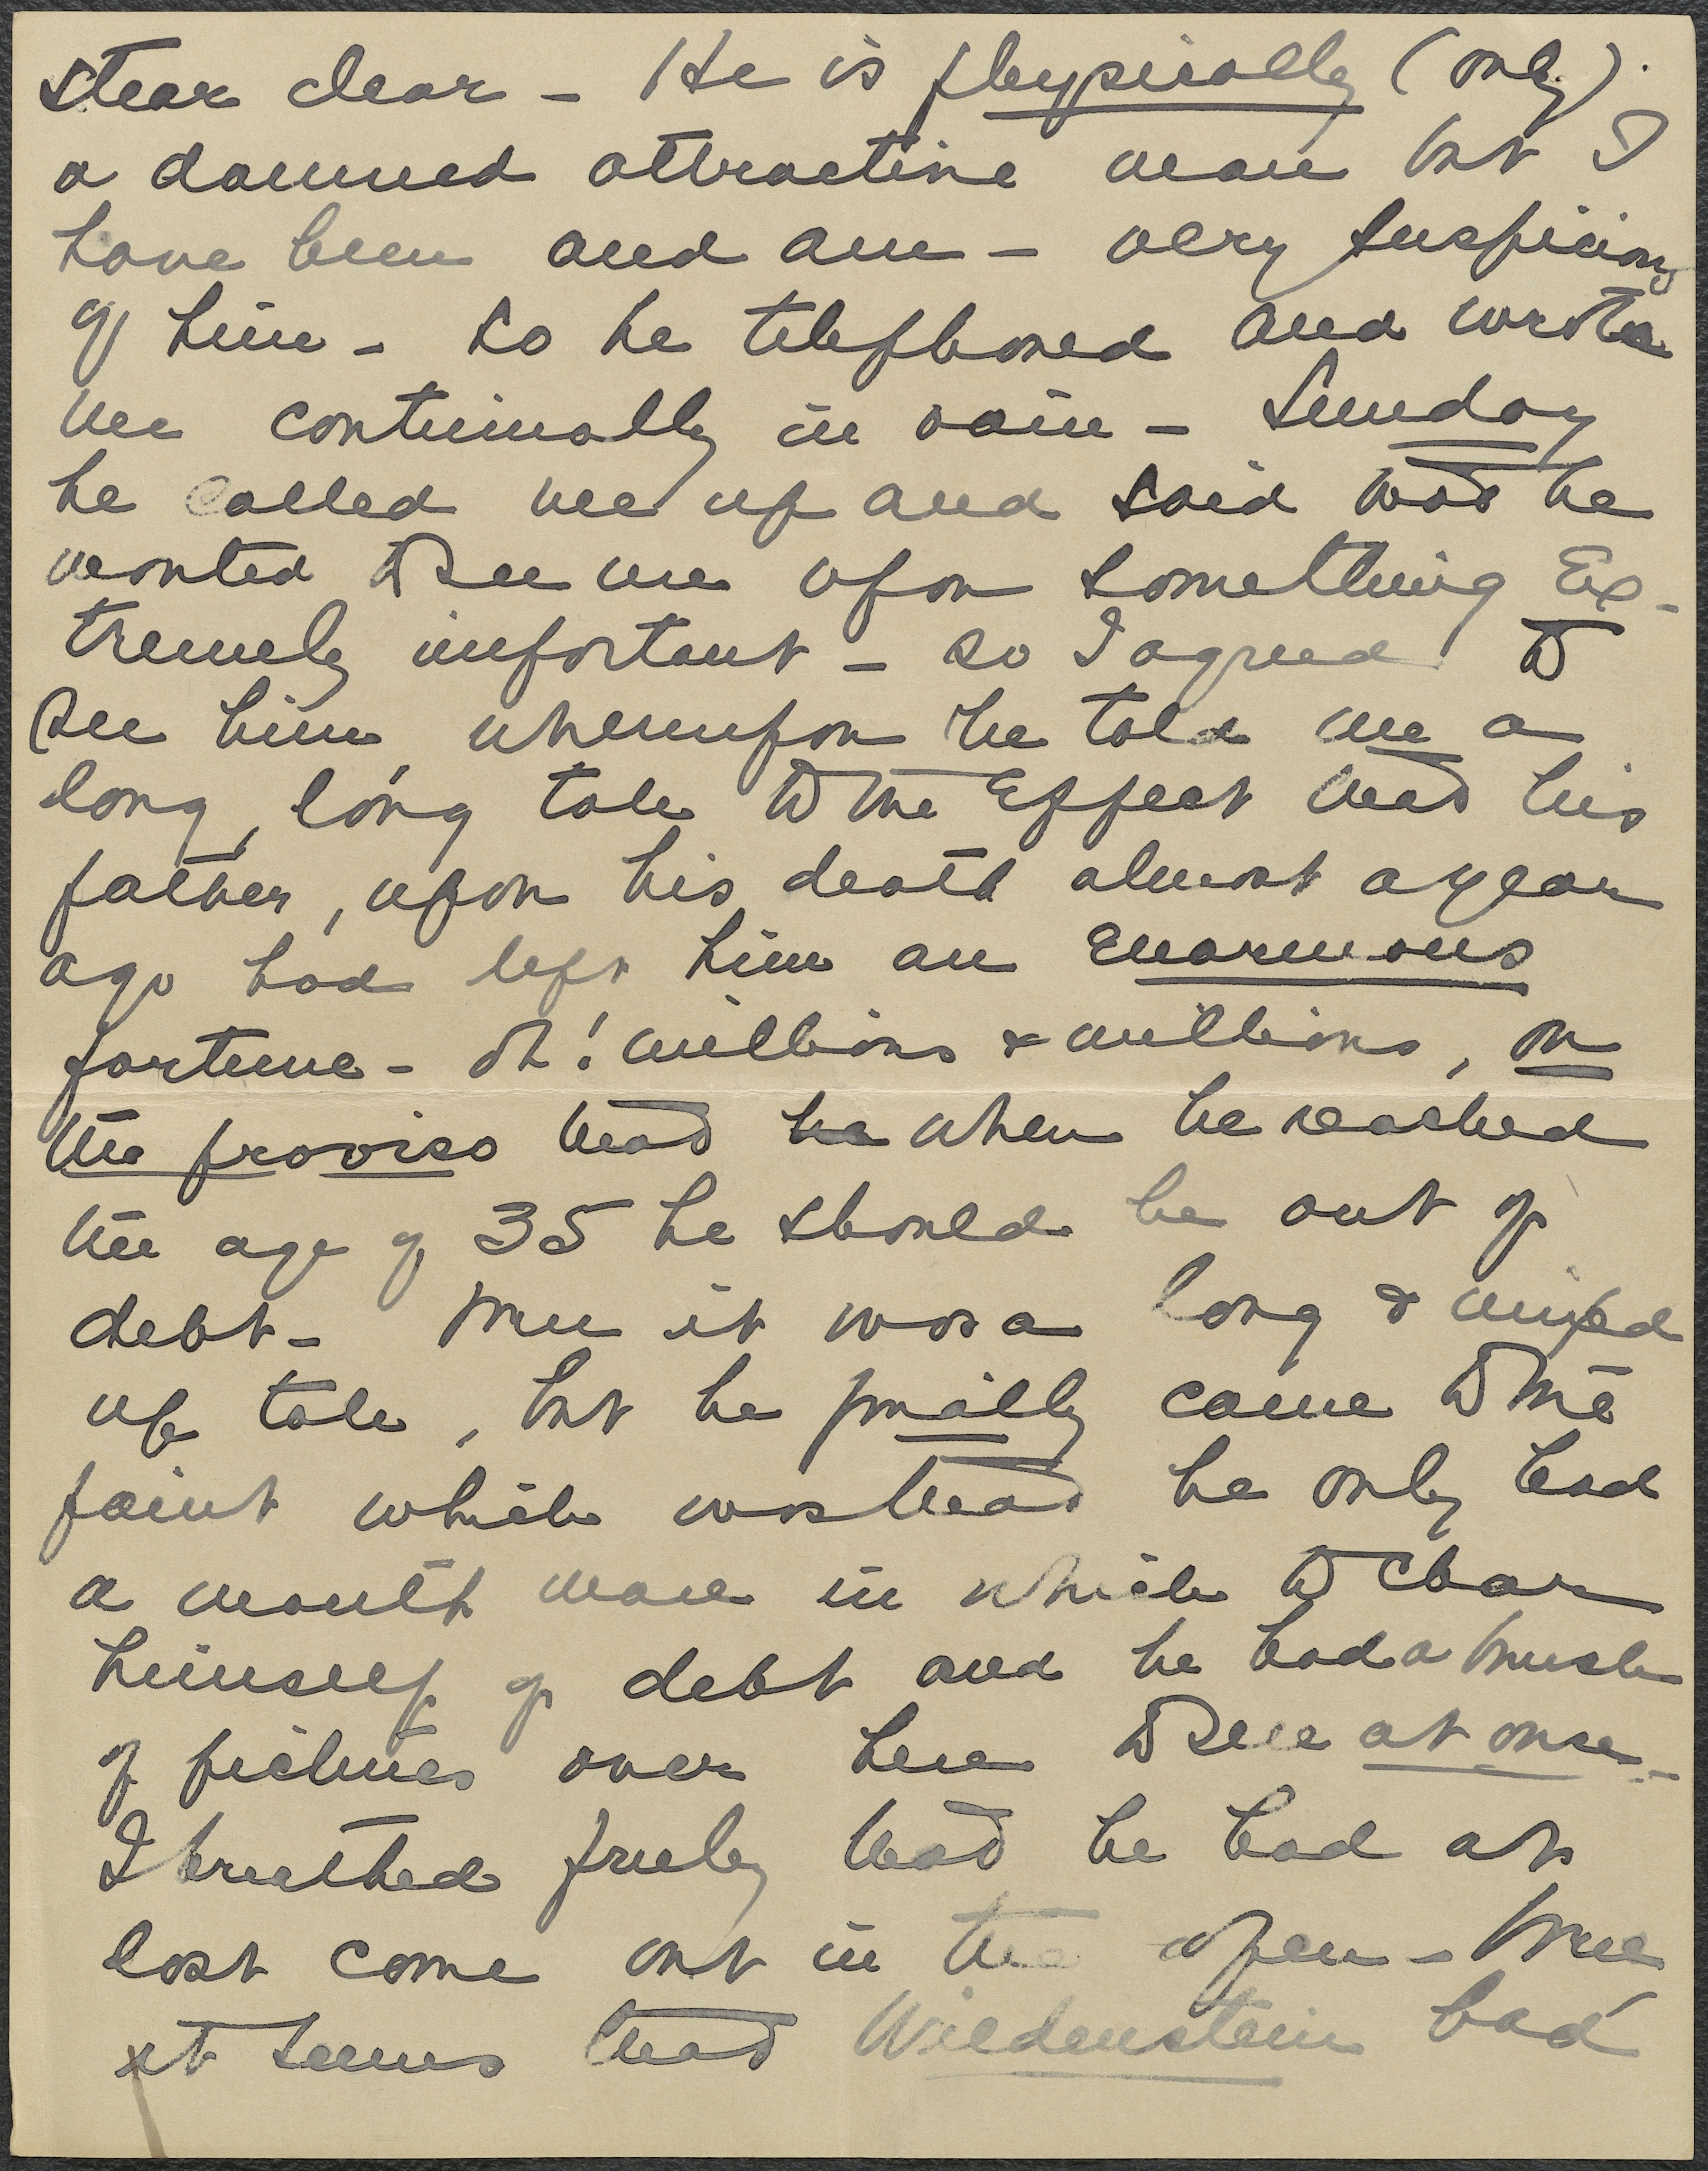steer clear – He is physically (only) a damned attractive man but I have been and am – very suspicious of him – so he telephoned and wrote me continuously in vain – Sunday he called me up and said that he wanted to see me upon something extremely important – so I agreed to see him, whereupon he told me a long, long tale to the effect that his father, upon his death almost a year ago had left him an enormous fortune – oh! millions & millions, on the proviso that he when he reached the age of 35 he should be out of debt – well it was a long & mixed up tale, but he finally came to the point which was that he only had a month more in which to clear himself of debt and he had a bunch of pictures over here to sell at once – I breathed freely that he had at last come out in the open – then it seems that Wildenstein had